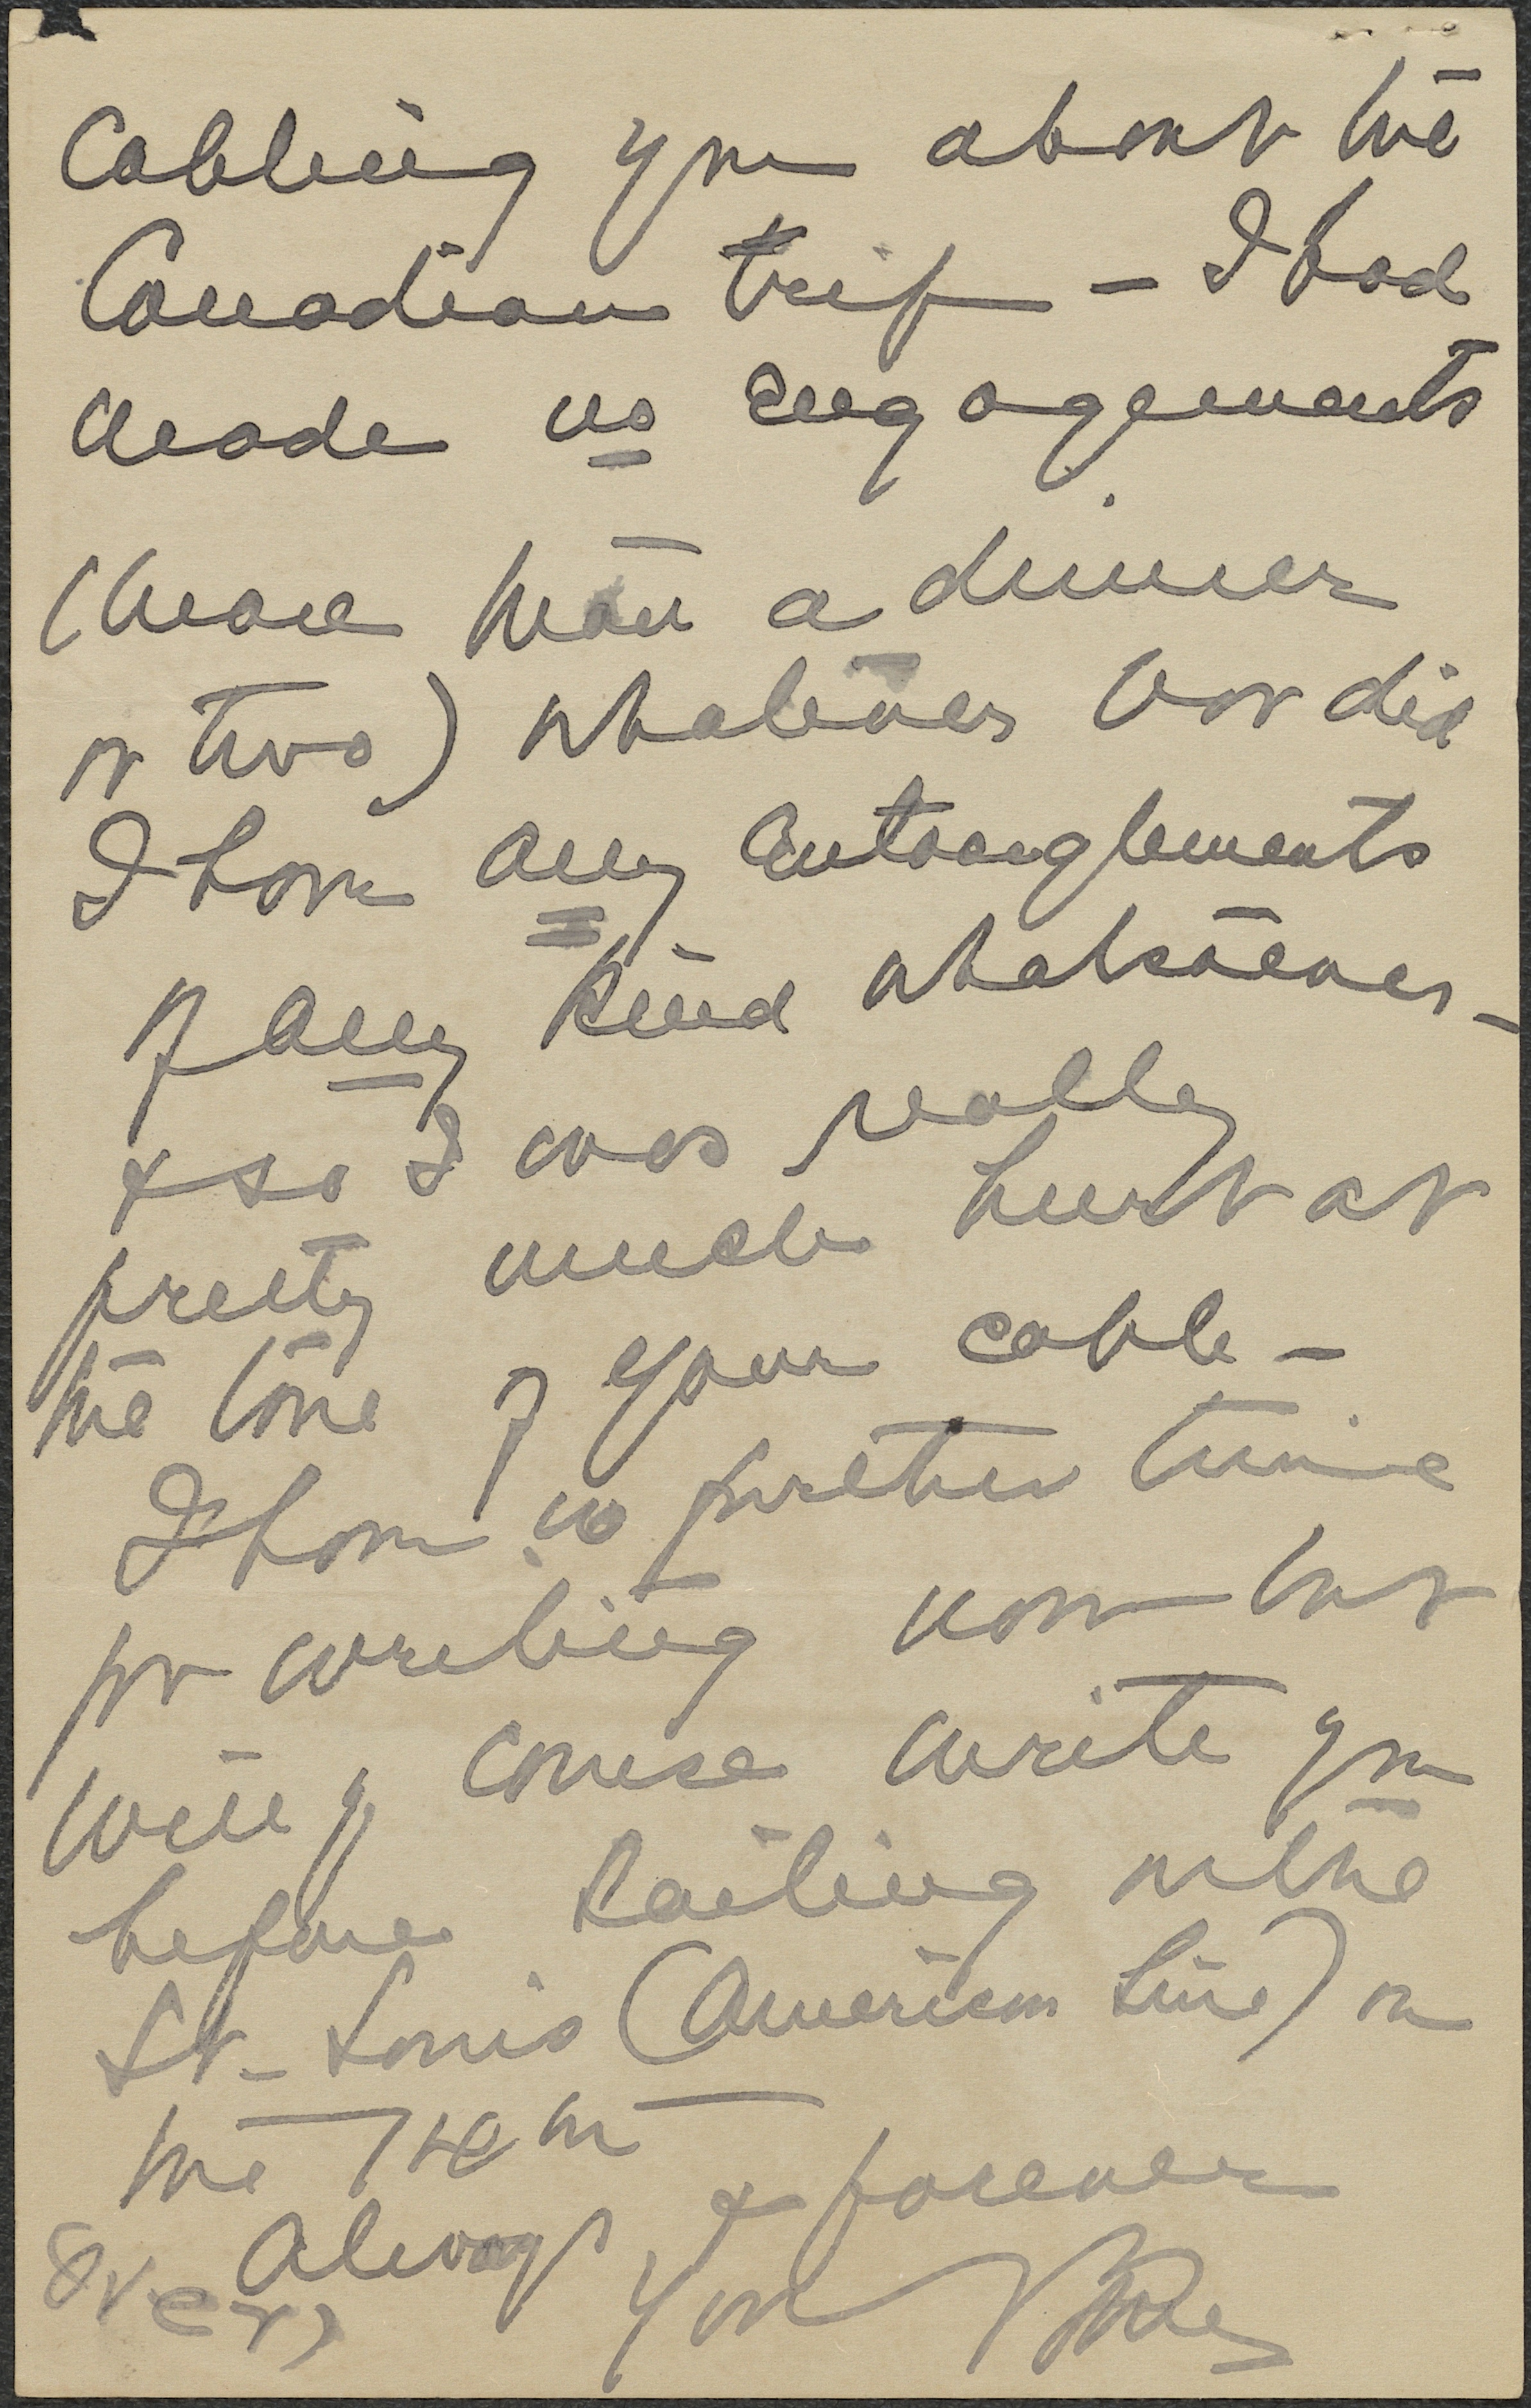Cabling you about the Canadian trip – I had made no engagements (more than a dinner or two) whatever nor did I have [double underlined: any] entanglements of any kind whatsoever & so I was really pretty much hurt at the time of your cable –
I have no further time for writing now but will of course write you before sailing on the St. Louis (American line) on the 14th –
Always & forever
Your Belle